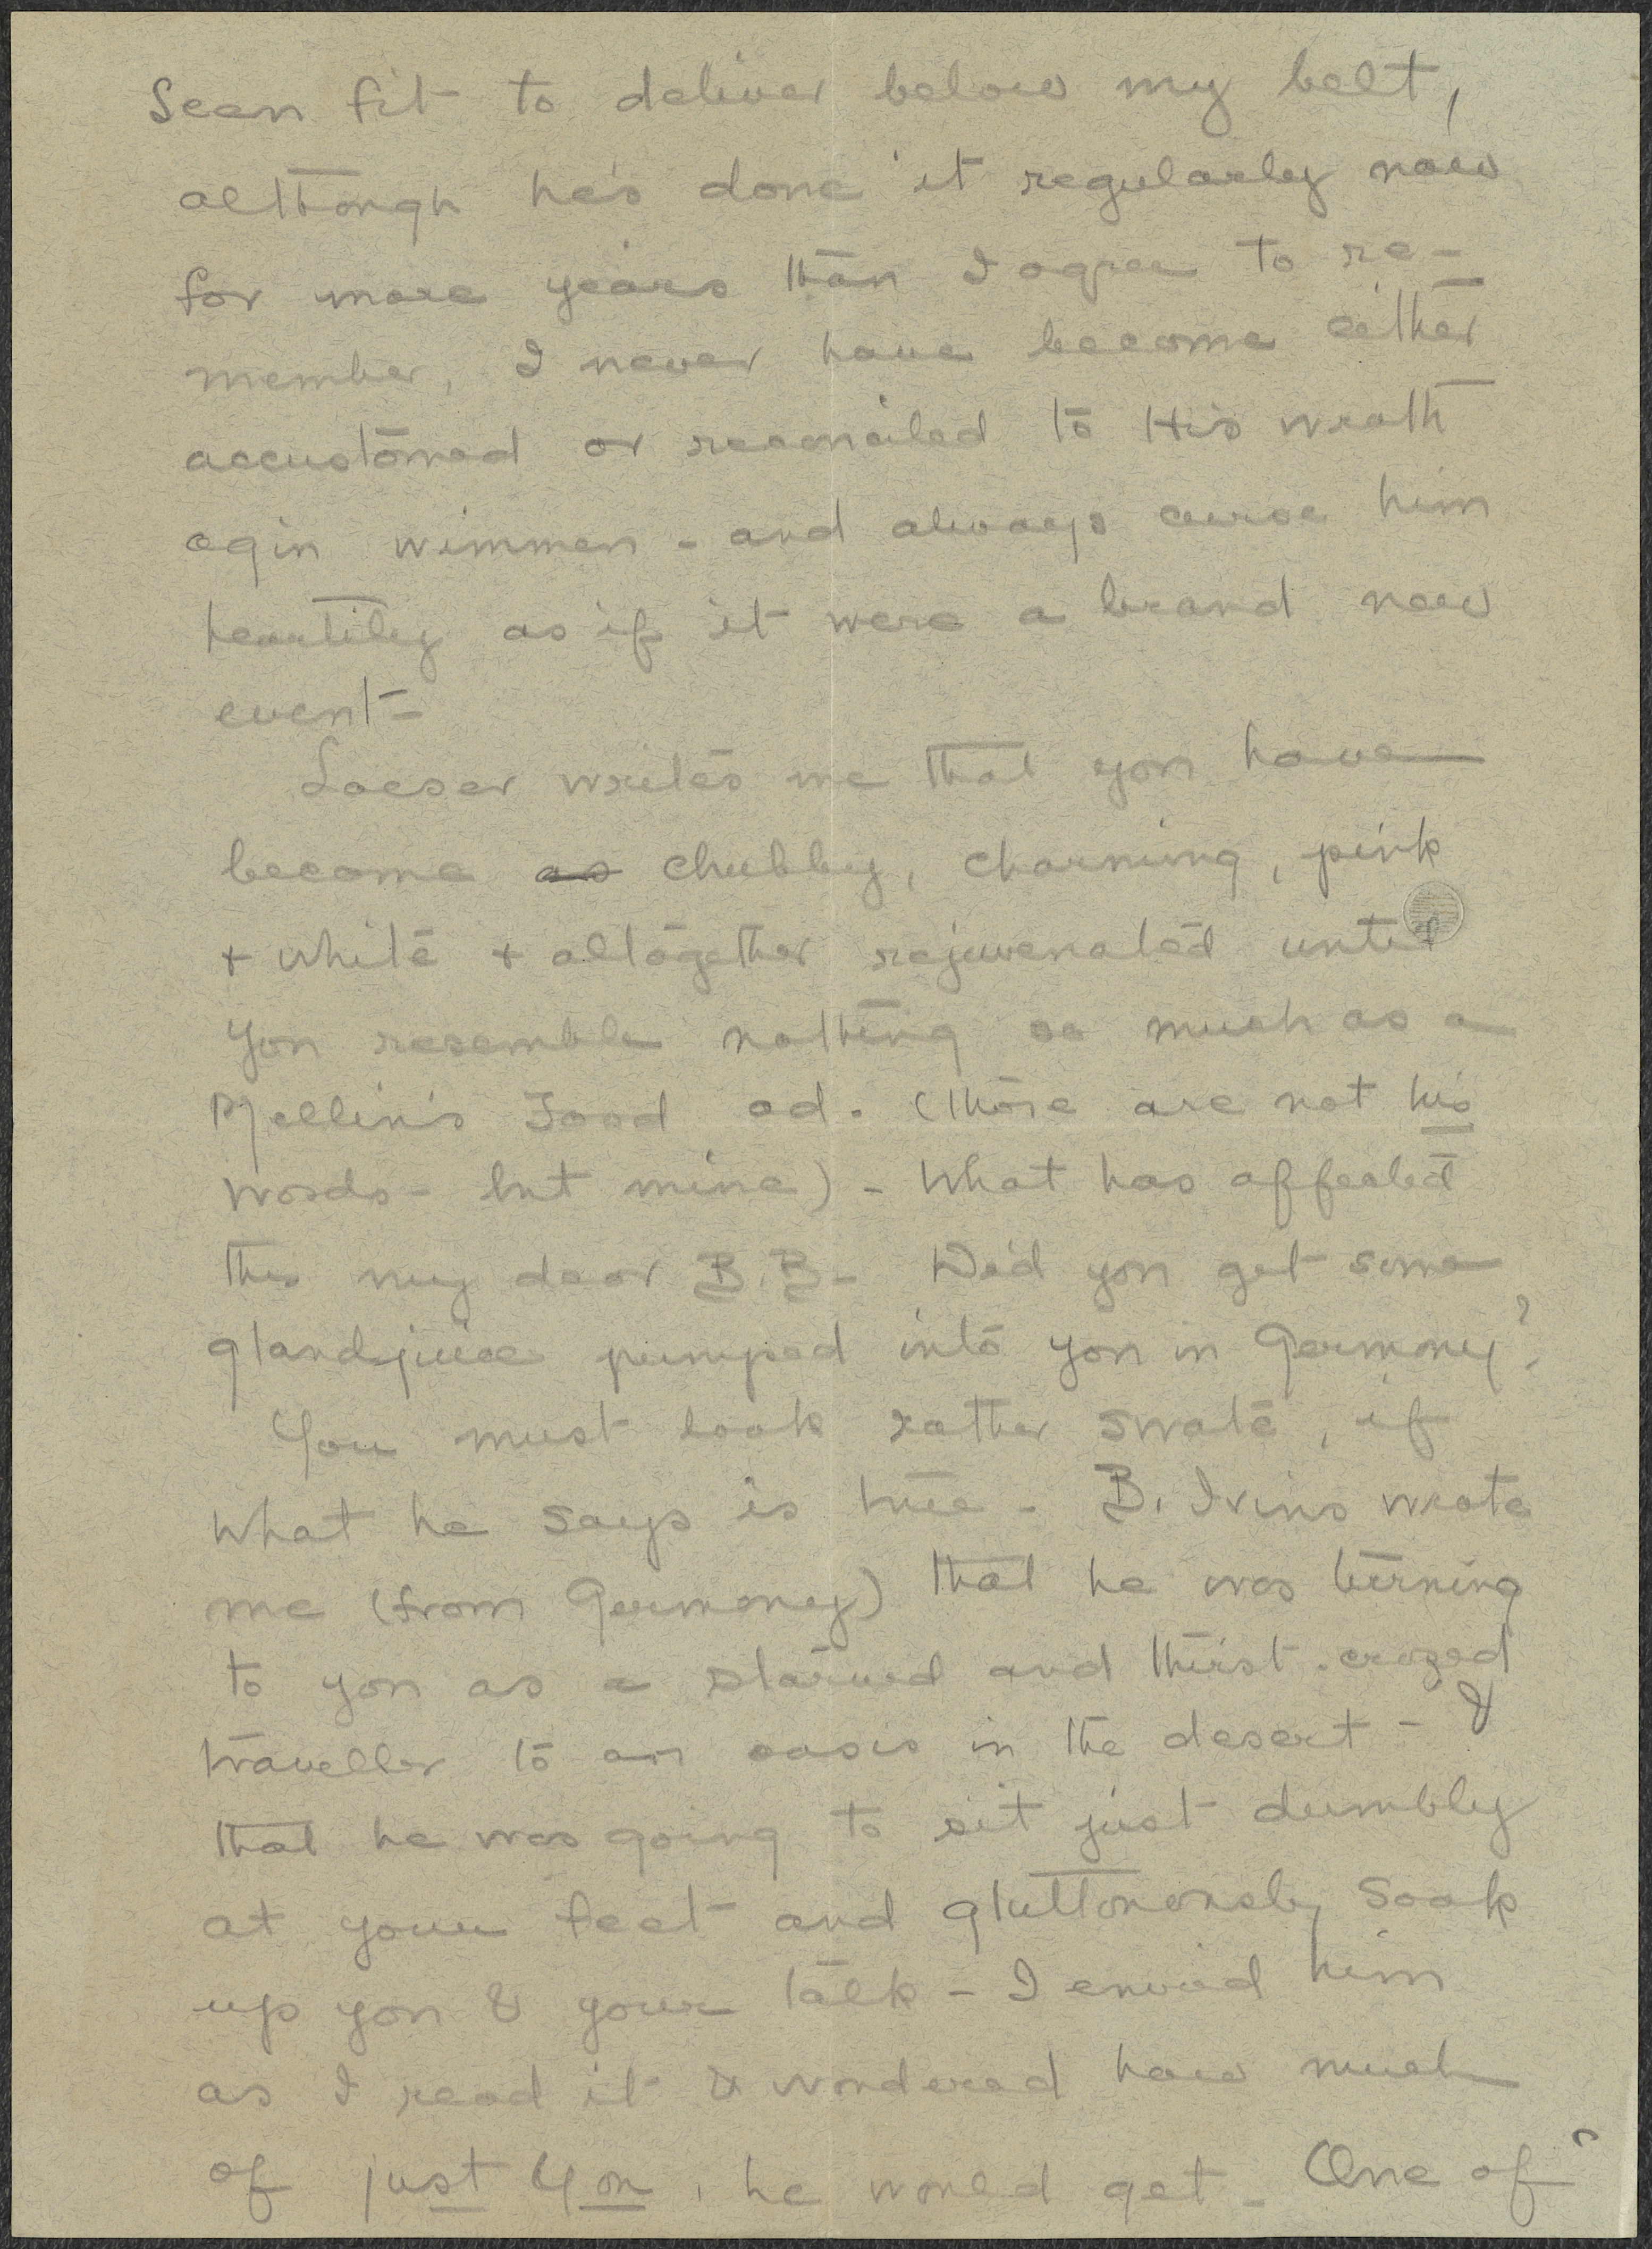seen fit to deliver below my belt, although he’s done it regularly now for more years than I agree to remember. I never have become either accustomed or reconciled to His wrath agin wimmen – and always curse him heartily as if it were a brand new event –
Loeser writes me that you have become as chubby, charming, pink & white & altogether rejuvenated until you resemble nothing so much as a Mellin’s Food ad. (those are not his words – but mine) -– What has affected this my dear B.B -–Did you get some glandjuice pumped into you in Germany?
You must look rather swate, if what he says is true – B. Ivins wrote me (from Germany) that he was turning to you as a starved and thirst-crazed traveller to an oasis in the desert – & that he was going to sit just dumbly at your feet and gluttonously soak up you & your talk – I envied him as I read it & wondered how much of just you, he would get – One of